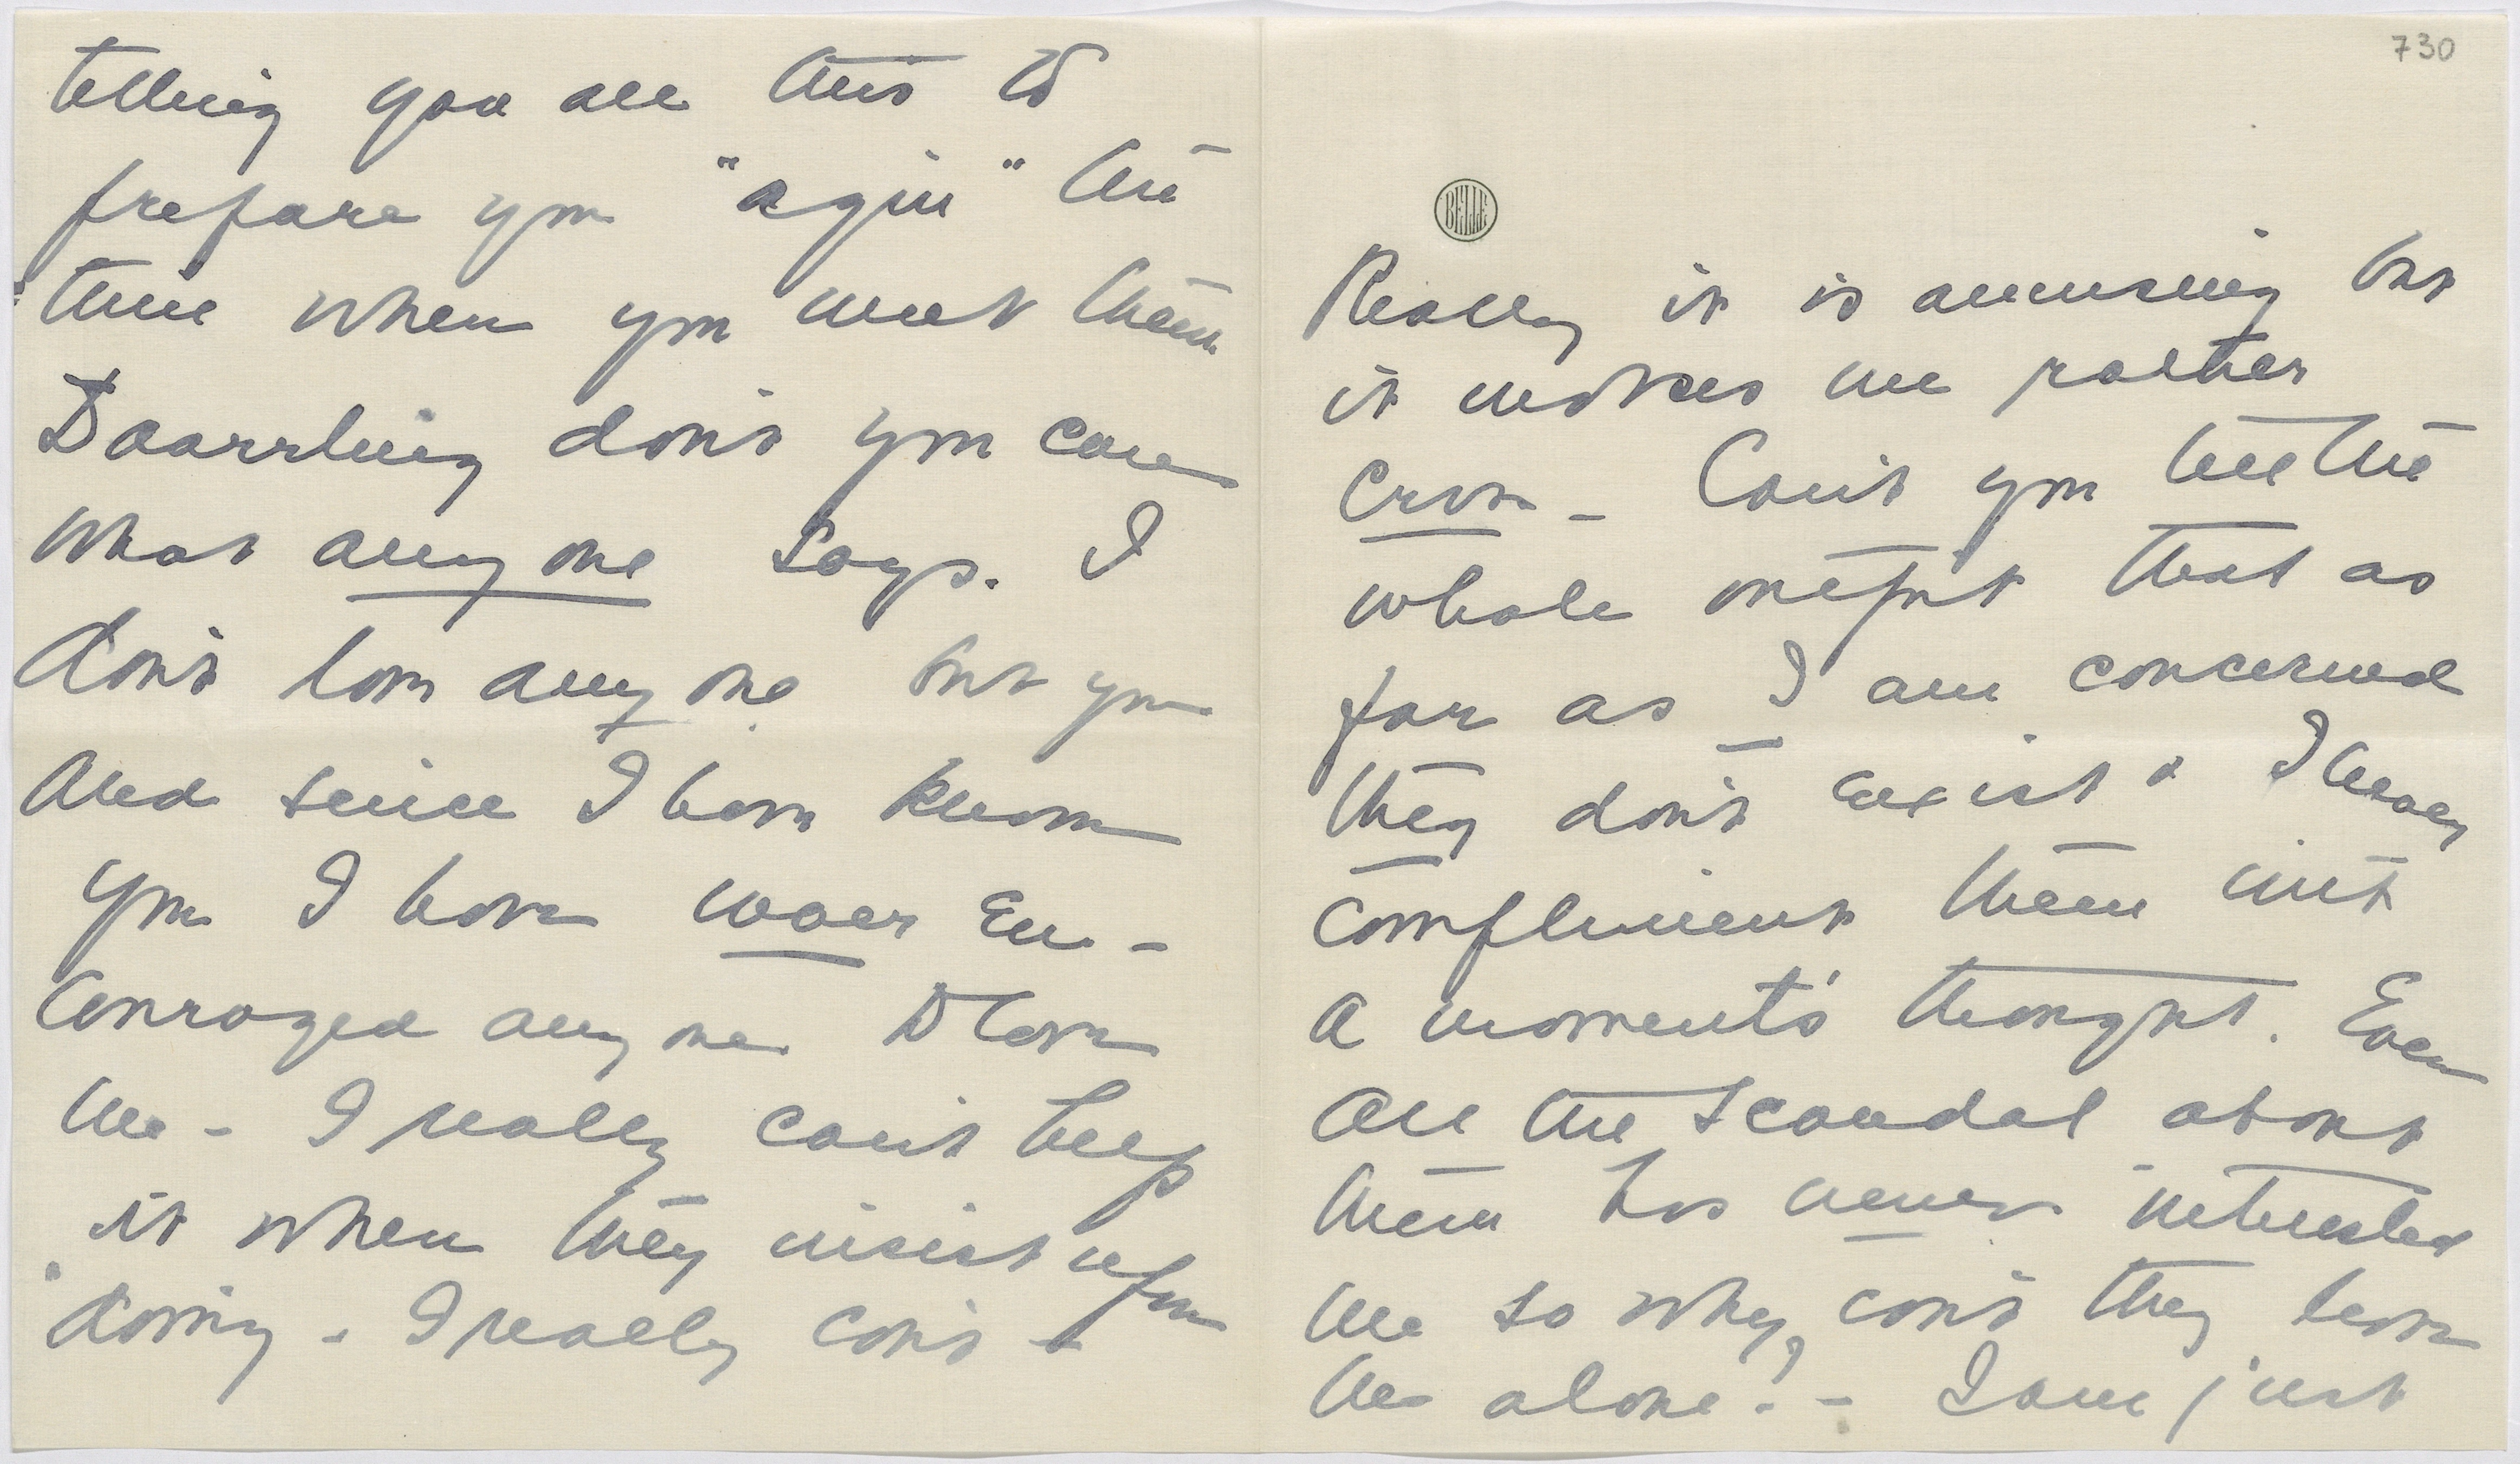Really it is amusing but it makes me rather cross – Can’t you tell the whole outfit that as far as I am concerned they don’t exist & I may compliment them with a moment’s thought. Even all the scandal about them has never interested me so why can’t they leave me alone? – I am just
telling you all this to prepare you “agin” the time when you met them
Daarrling don’t you care what any one says. I don’t love any one but you and since I have known you I have never encouraged any one to love me – I really can’t help it when they insist upon doing – I really can’t –